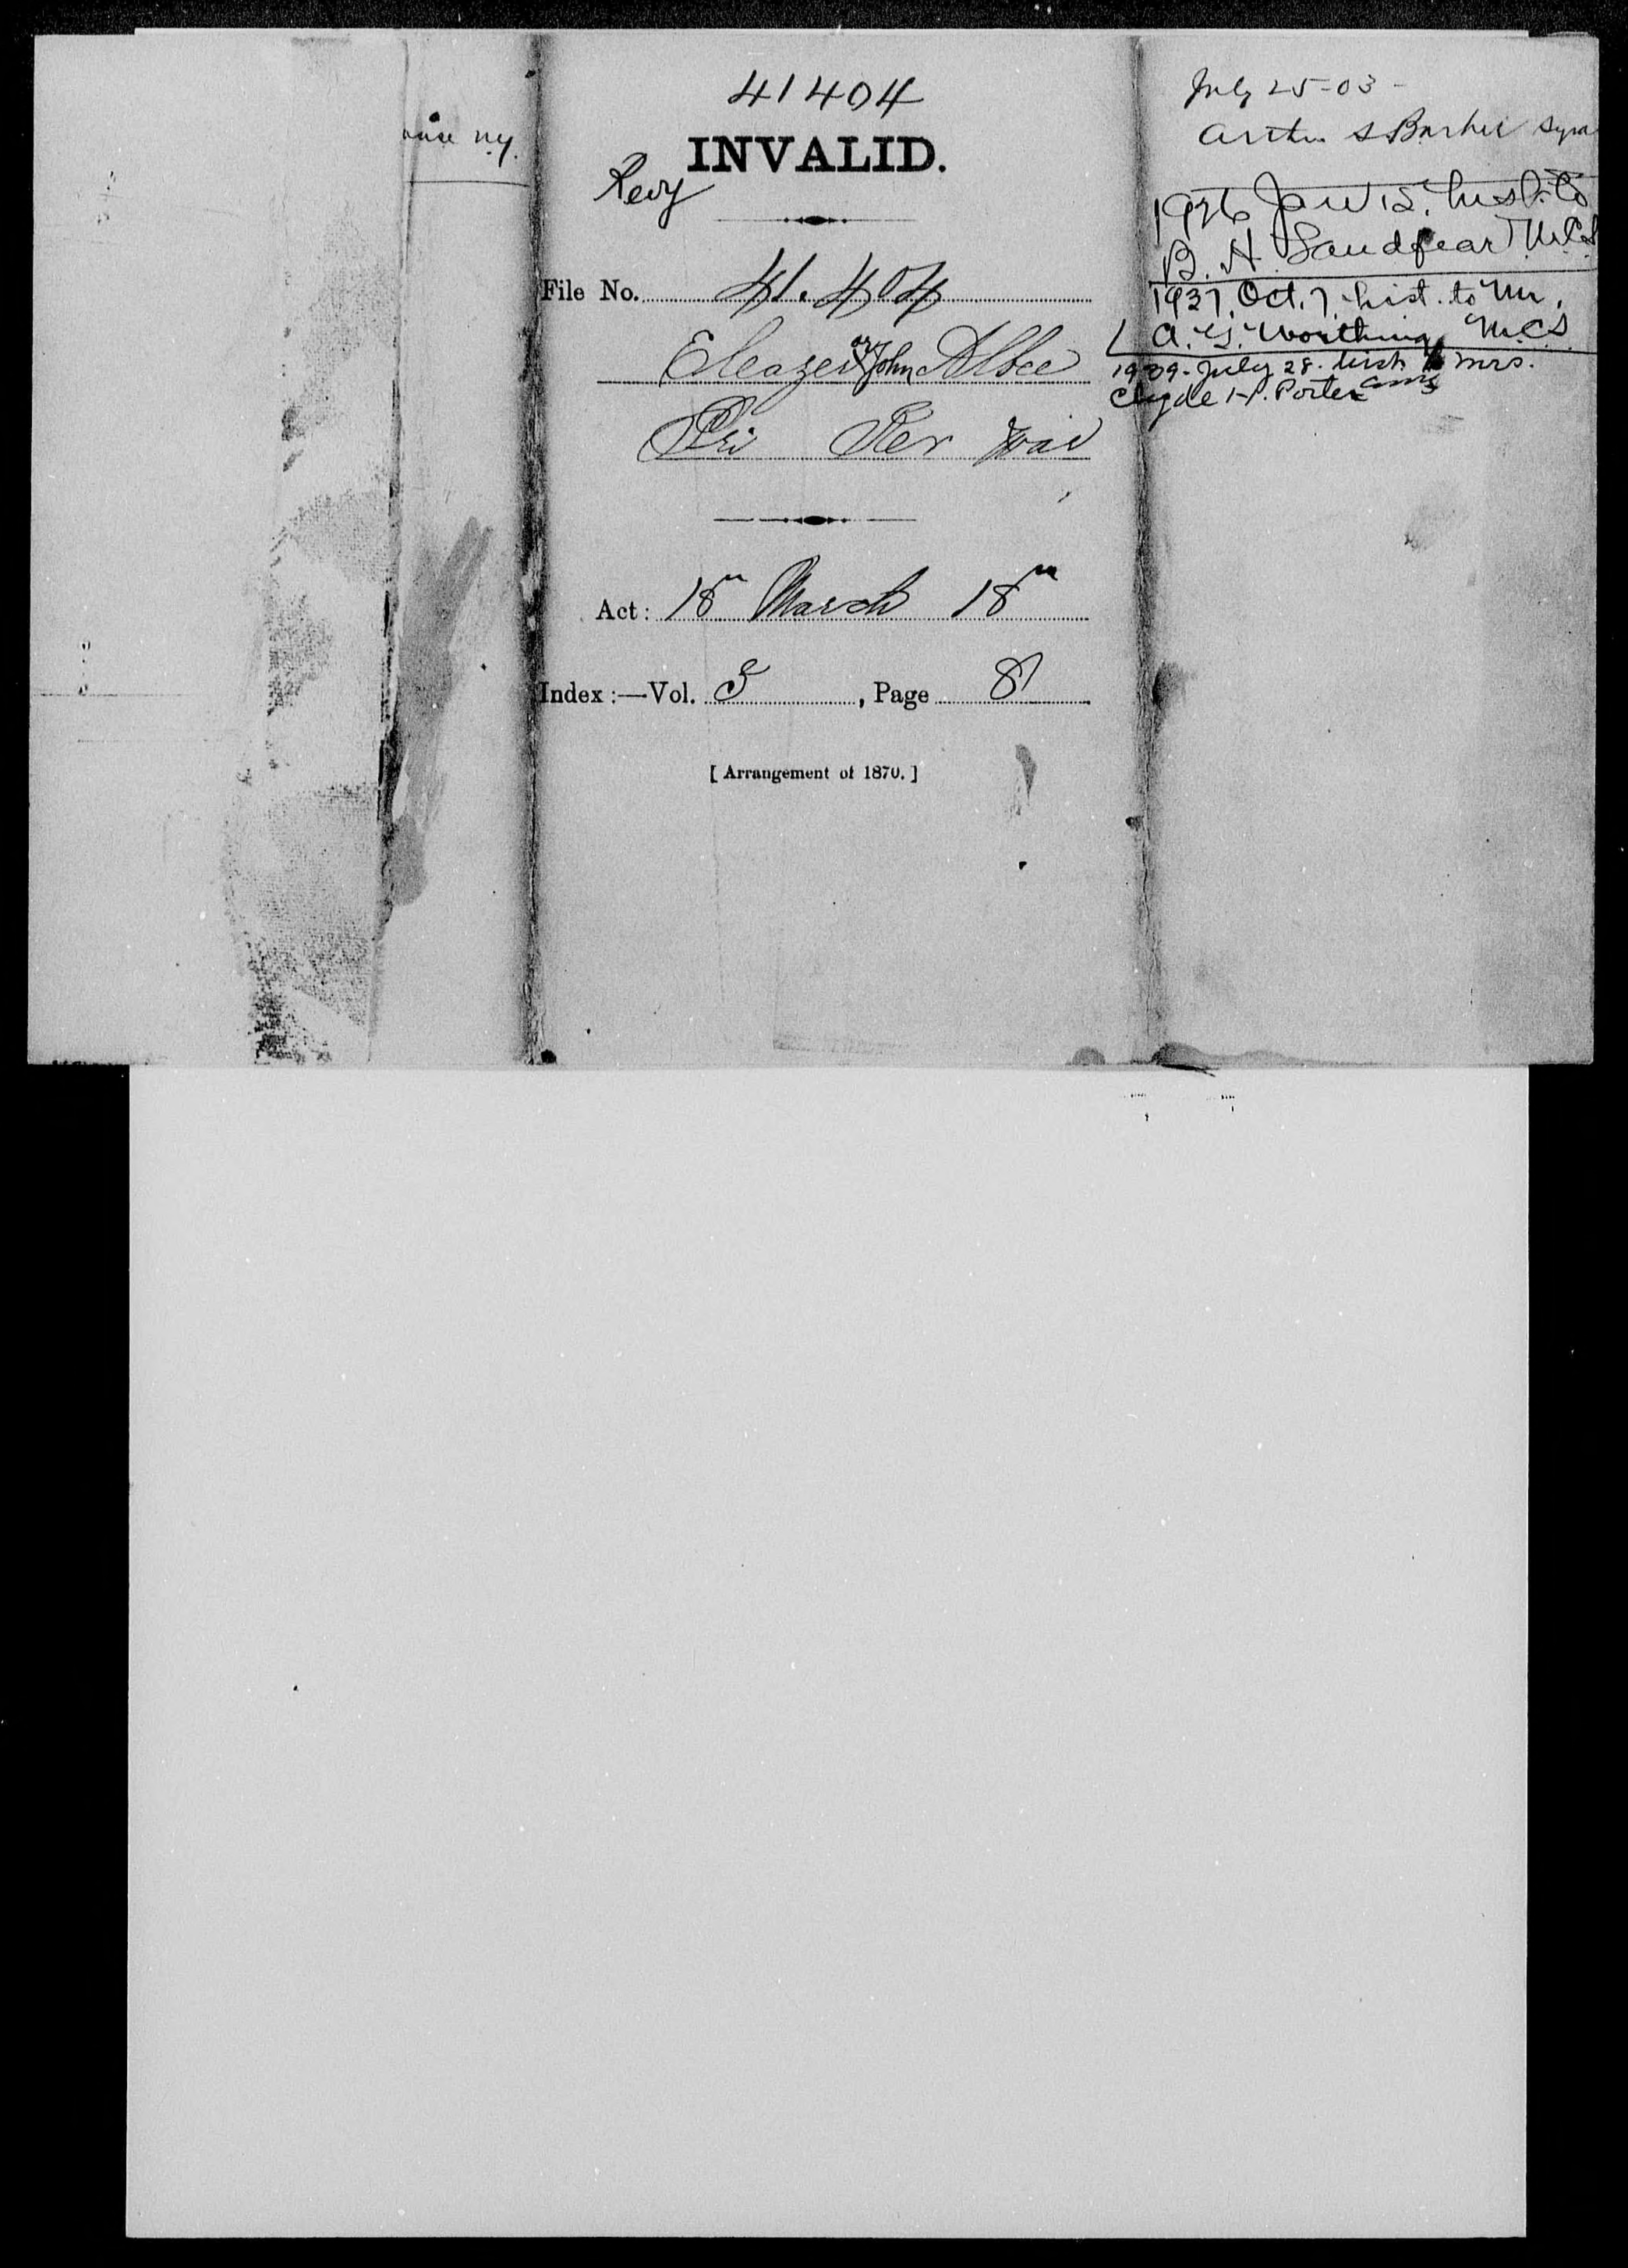41404

Revy.  INVALID

File No. 41404

Eleazer or John Albee

Pri. Rev. War


Act: 18 March 1818

Index:-Vol. T, Page 81

[Arrangement of 1870]

July 25 - 03 - Arthur S. Barber

1926 Jan. 12 hist to B.H. Landfear U.C.S.

1937, Oct. 7 histor. to Mr. A.G. Worthing M.C.S.

1939 - July 28 Hist. to Mrs. Clyde H. Porter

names: John Albee, Eleazer Albee, Arthur S Barber, Clyde H Porter, A G Worthing, B H Landfear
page: 14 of 29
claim: survivor's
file: S 41404, Eleazer John Albee, Mass. Privateer